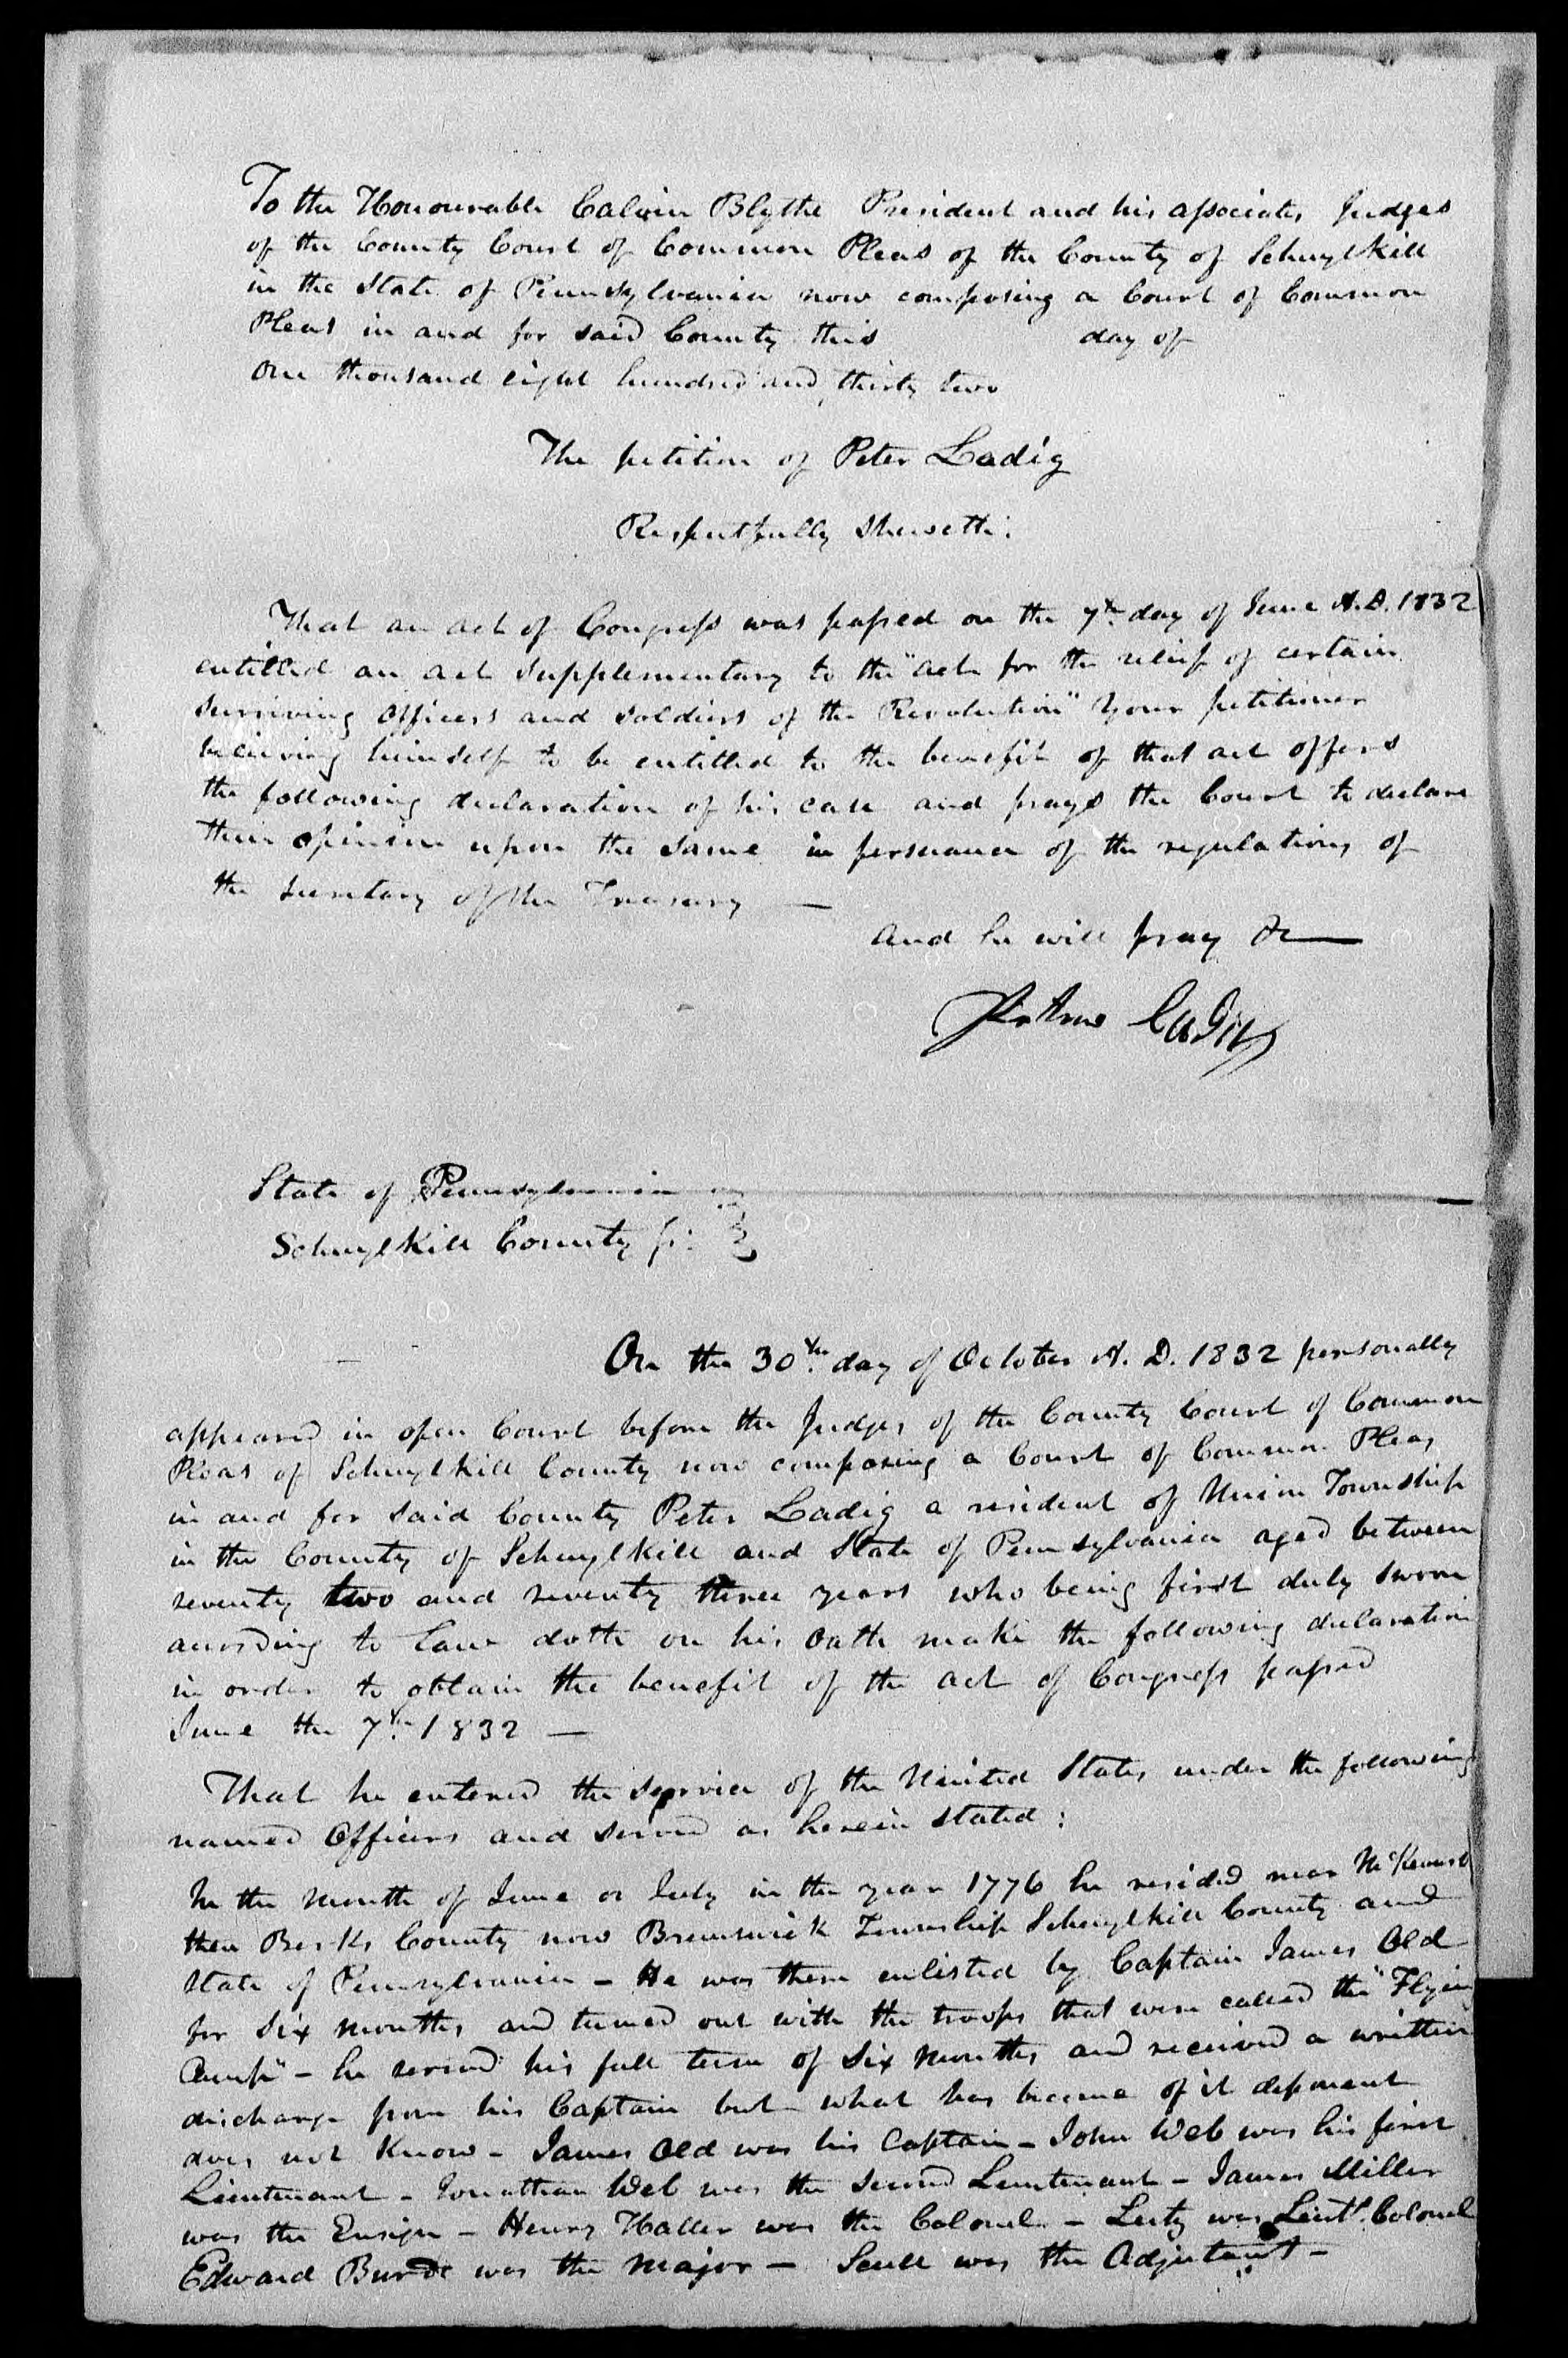To the Honorable Calvin Blythe President and his associates, Judges of the County Court of Common Pleas of the County of Schuylkill in the State of Pennsylvania now [illegible] a Court of Common Pleas in and for said County this [blank space] day of [blank space] one thousand eight hundred and thirty two

The petition of Peter Ladig
Respectfully [illegible]:

That an act of Congress was passed on the 7th day of June A.D. 1832 entitled an act supplementary to the "Act for the relief of certain surviving officers and soldiers of the Revolution" 
Your petitioner believing himself to be entitled to the benefit of that act offers the following declaration of his case and prays the Court to  declare their opinion upon the same in pursuance of the regulations of the Secretary of the Treasury -  and he will pray [illegible]
[illegible] Ludig [signature]

State of Pennsylvania
Schuylkill County ss: }

On the 30th day of October A.D. 1832 personally appeared in open court before the Judges of the County Court of Common Pleas of Schuylkill County now composing a Court of Common Pleas in and for said county Peter Ladig a resident of [illegible] Township in the County of Schuylkill and State of Pennsylvania aged between seventy two and seventy three years who being first duly sworn according to law doth on his oath make the following declaration in order to obtain the benefit of the act of Congress passed June the 7th 1832 - 
That he entered the service of the United States under the following named officers and served as herein stated:

In the month of June or July in the year 1776 he resided near McKeansburg then Berks County now Brunswick Township Schuylkill County and  State of Pennsylvania - He was then enlisted by Captain James Old for six months and turned out with the troops that were called the "Flying  Camp"  - he served his full term of six months and received a written discharge from his Captain but what then became of it deponent does not know - James Old was his Captain - John Web was his first Lieutenant - Jonathon Web was the second Lieutenant - James Miller was the Ensign - Henry Haller was the Colonel - Lutz was Lieutenant Colonel Edward Bundt was the Major - [illegible] was the Adjutant - -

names: [BLANK] Lutz; Henry Haller; James Old; Calvin Blythe; Peter Ladig; John Web; Edward Burd; Jonathan Web; James Miller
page: 6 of 17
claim: survivor's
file: S. 4499, for Peter Ladig, Pennsylvania